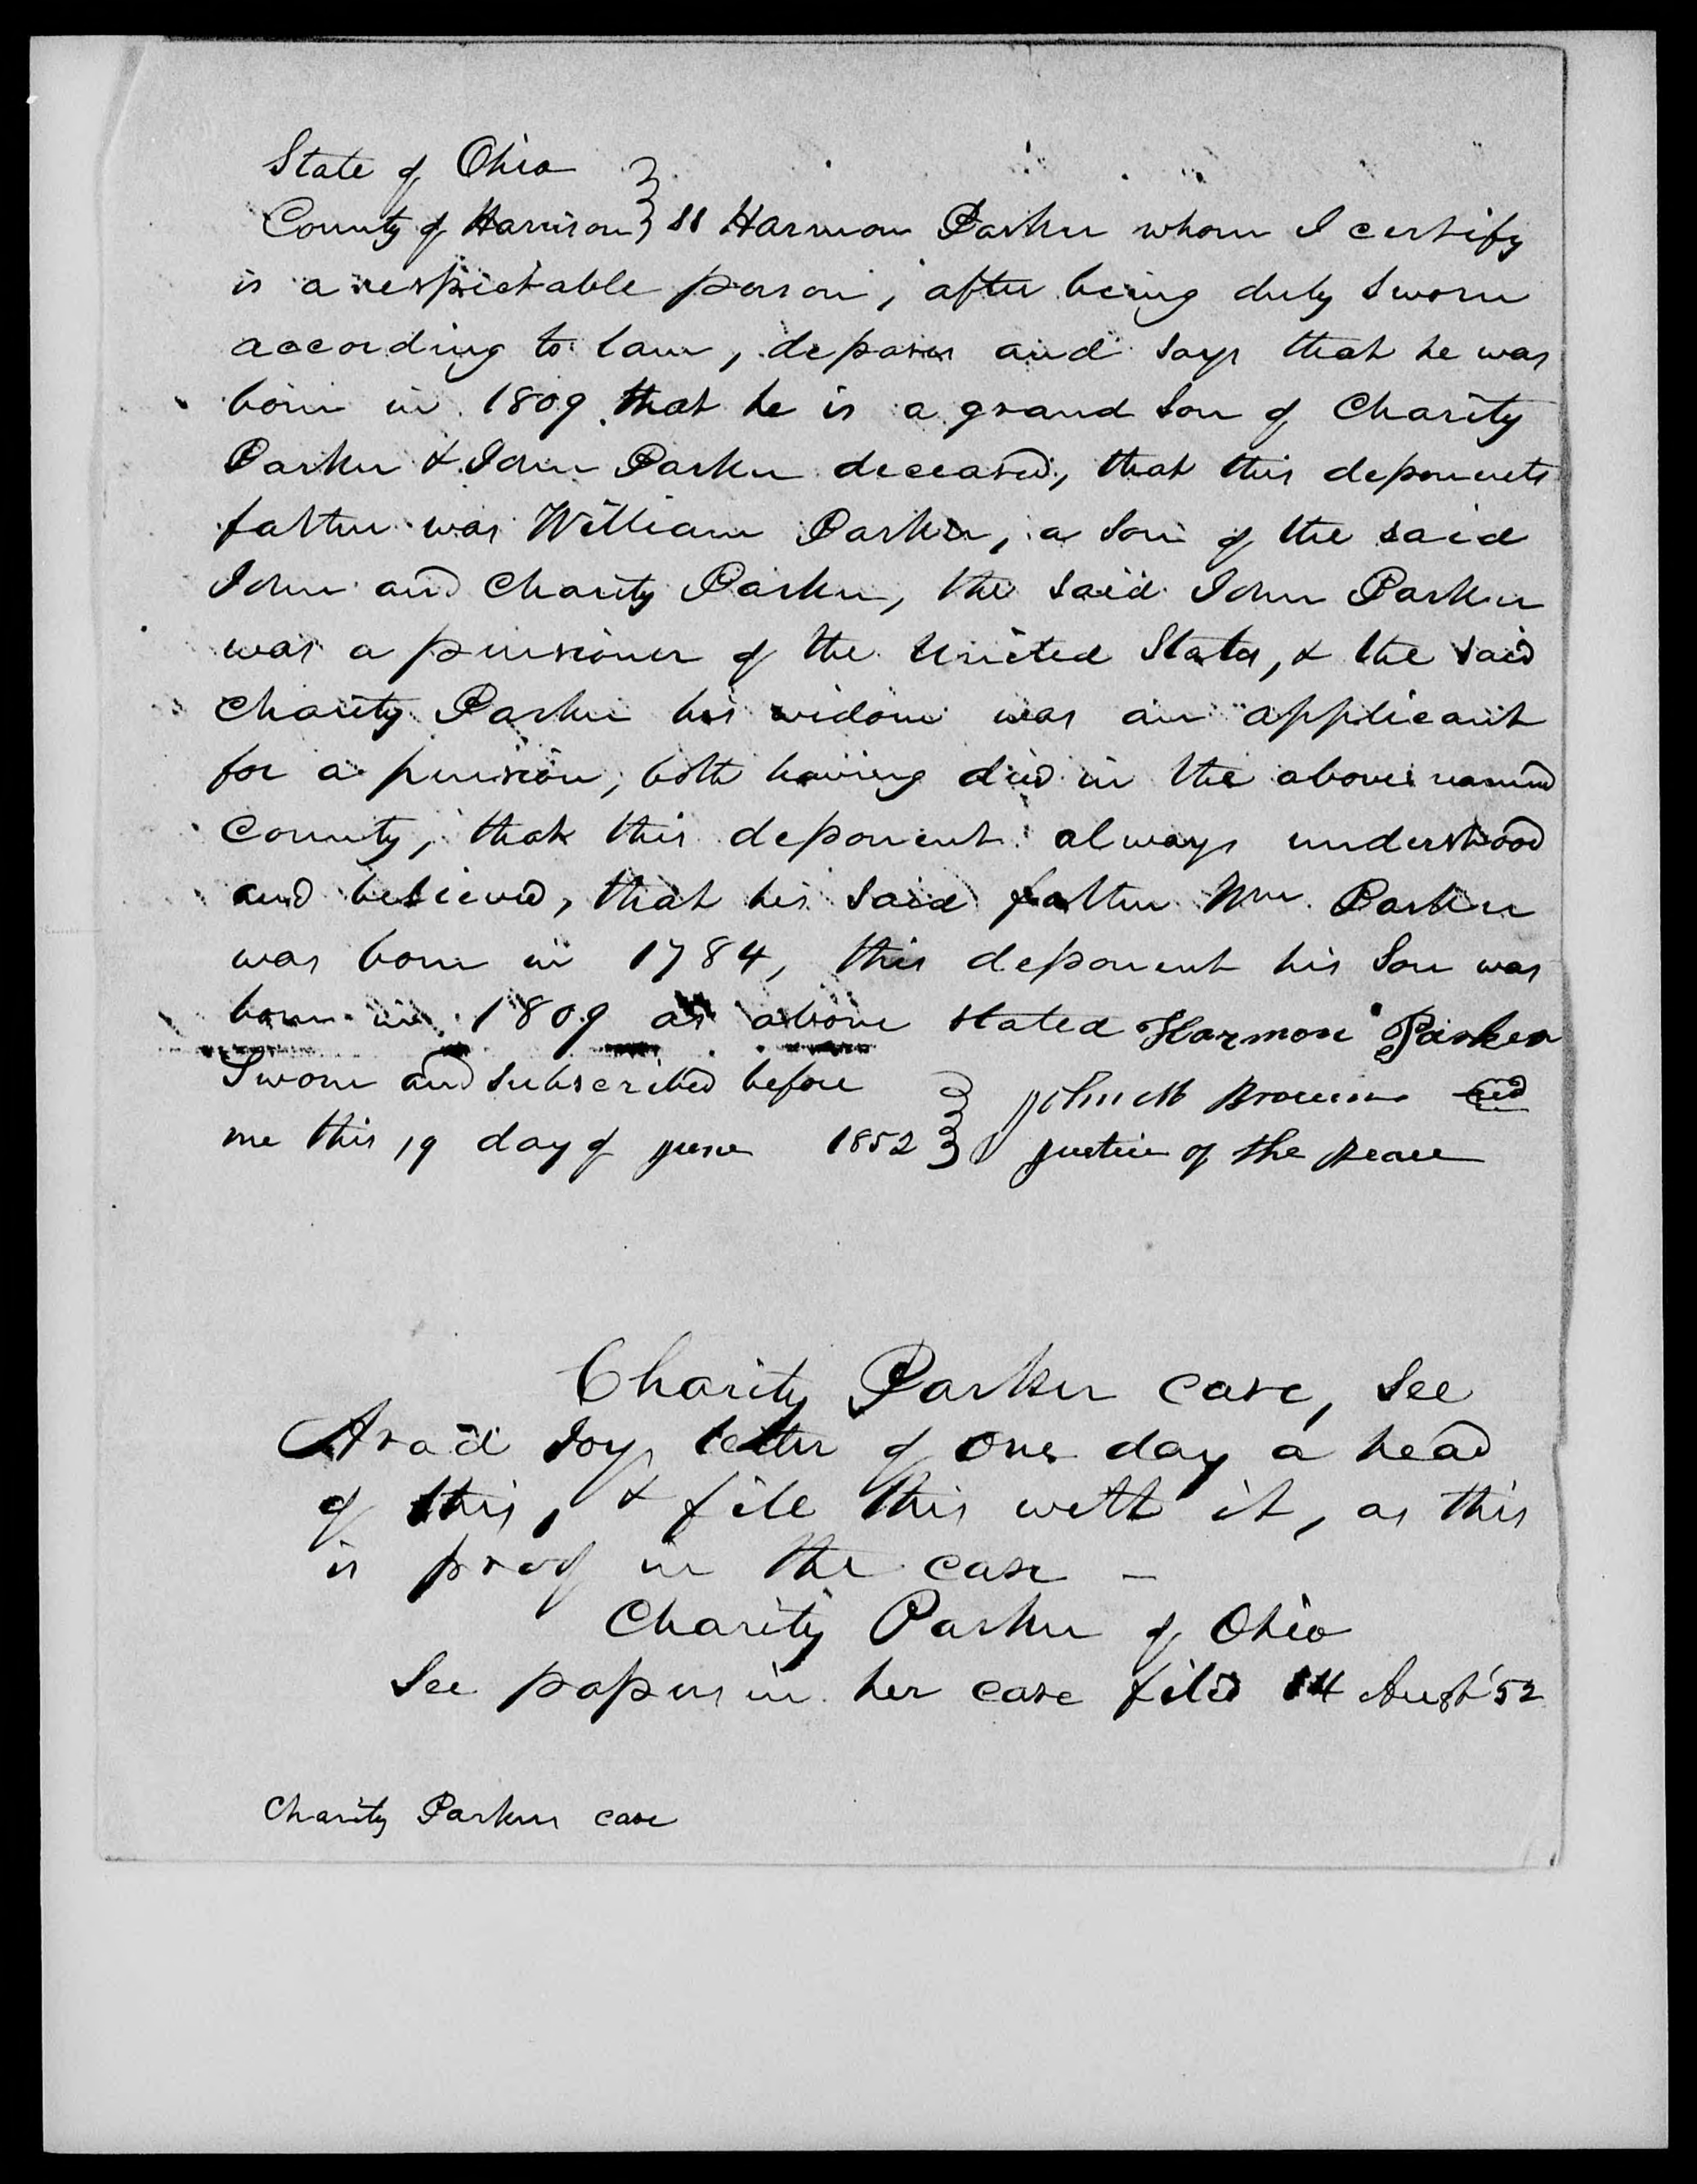State of Ohio }
County of Harrison } SS: Harmon Parker whom I certify is a respectable person, after being duly sworn according to law, deposes and says that he was born in 1809, that he is a grand son of Charity & John Parker deceased, that this deponents [sic] father was William Parker, a son of the said John and Charity Parker, the said John Parker was a pensioner of the United States, & the said Charity Parker his widow was an applicant for pension, both having died in the above named county, that this deponent always understood and believed, that his said father Mr. Parker was born in 1784, this deponent his son was born in 1809 as above stated.
//s// Harmon Parker
Sworn and subscribed before me this 19 day of June 1852.
//s// John M Brown Justice of the Peace

Charity Parker case, see Arad Joy letter of one day a head of this, & file this with it, as this is proof in the ase.
Charity Parker of Ohio
See papers in her case filed 14 Aug. '52

Charity Parker case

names: William Parker; Arad Joy; Jane Parker; Harmon Parker; John M Brown; Charity Parker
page: 18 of 40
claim: widow's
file: W. 3,588, for John Parker, Pennsylvania